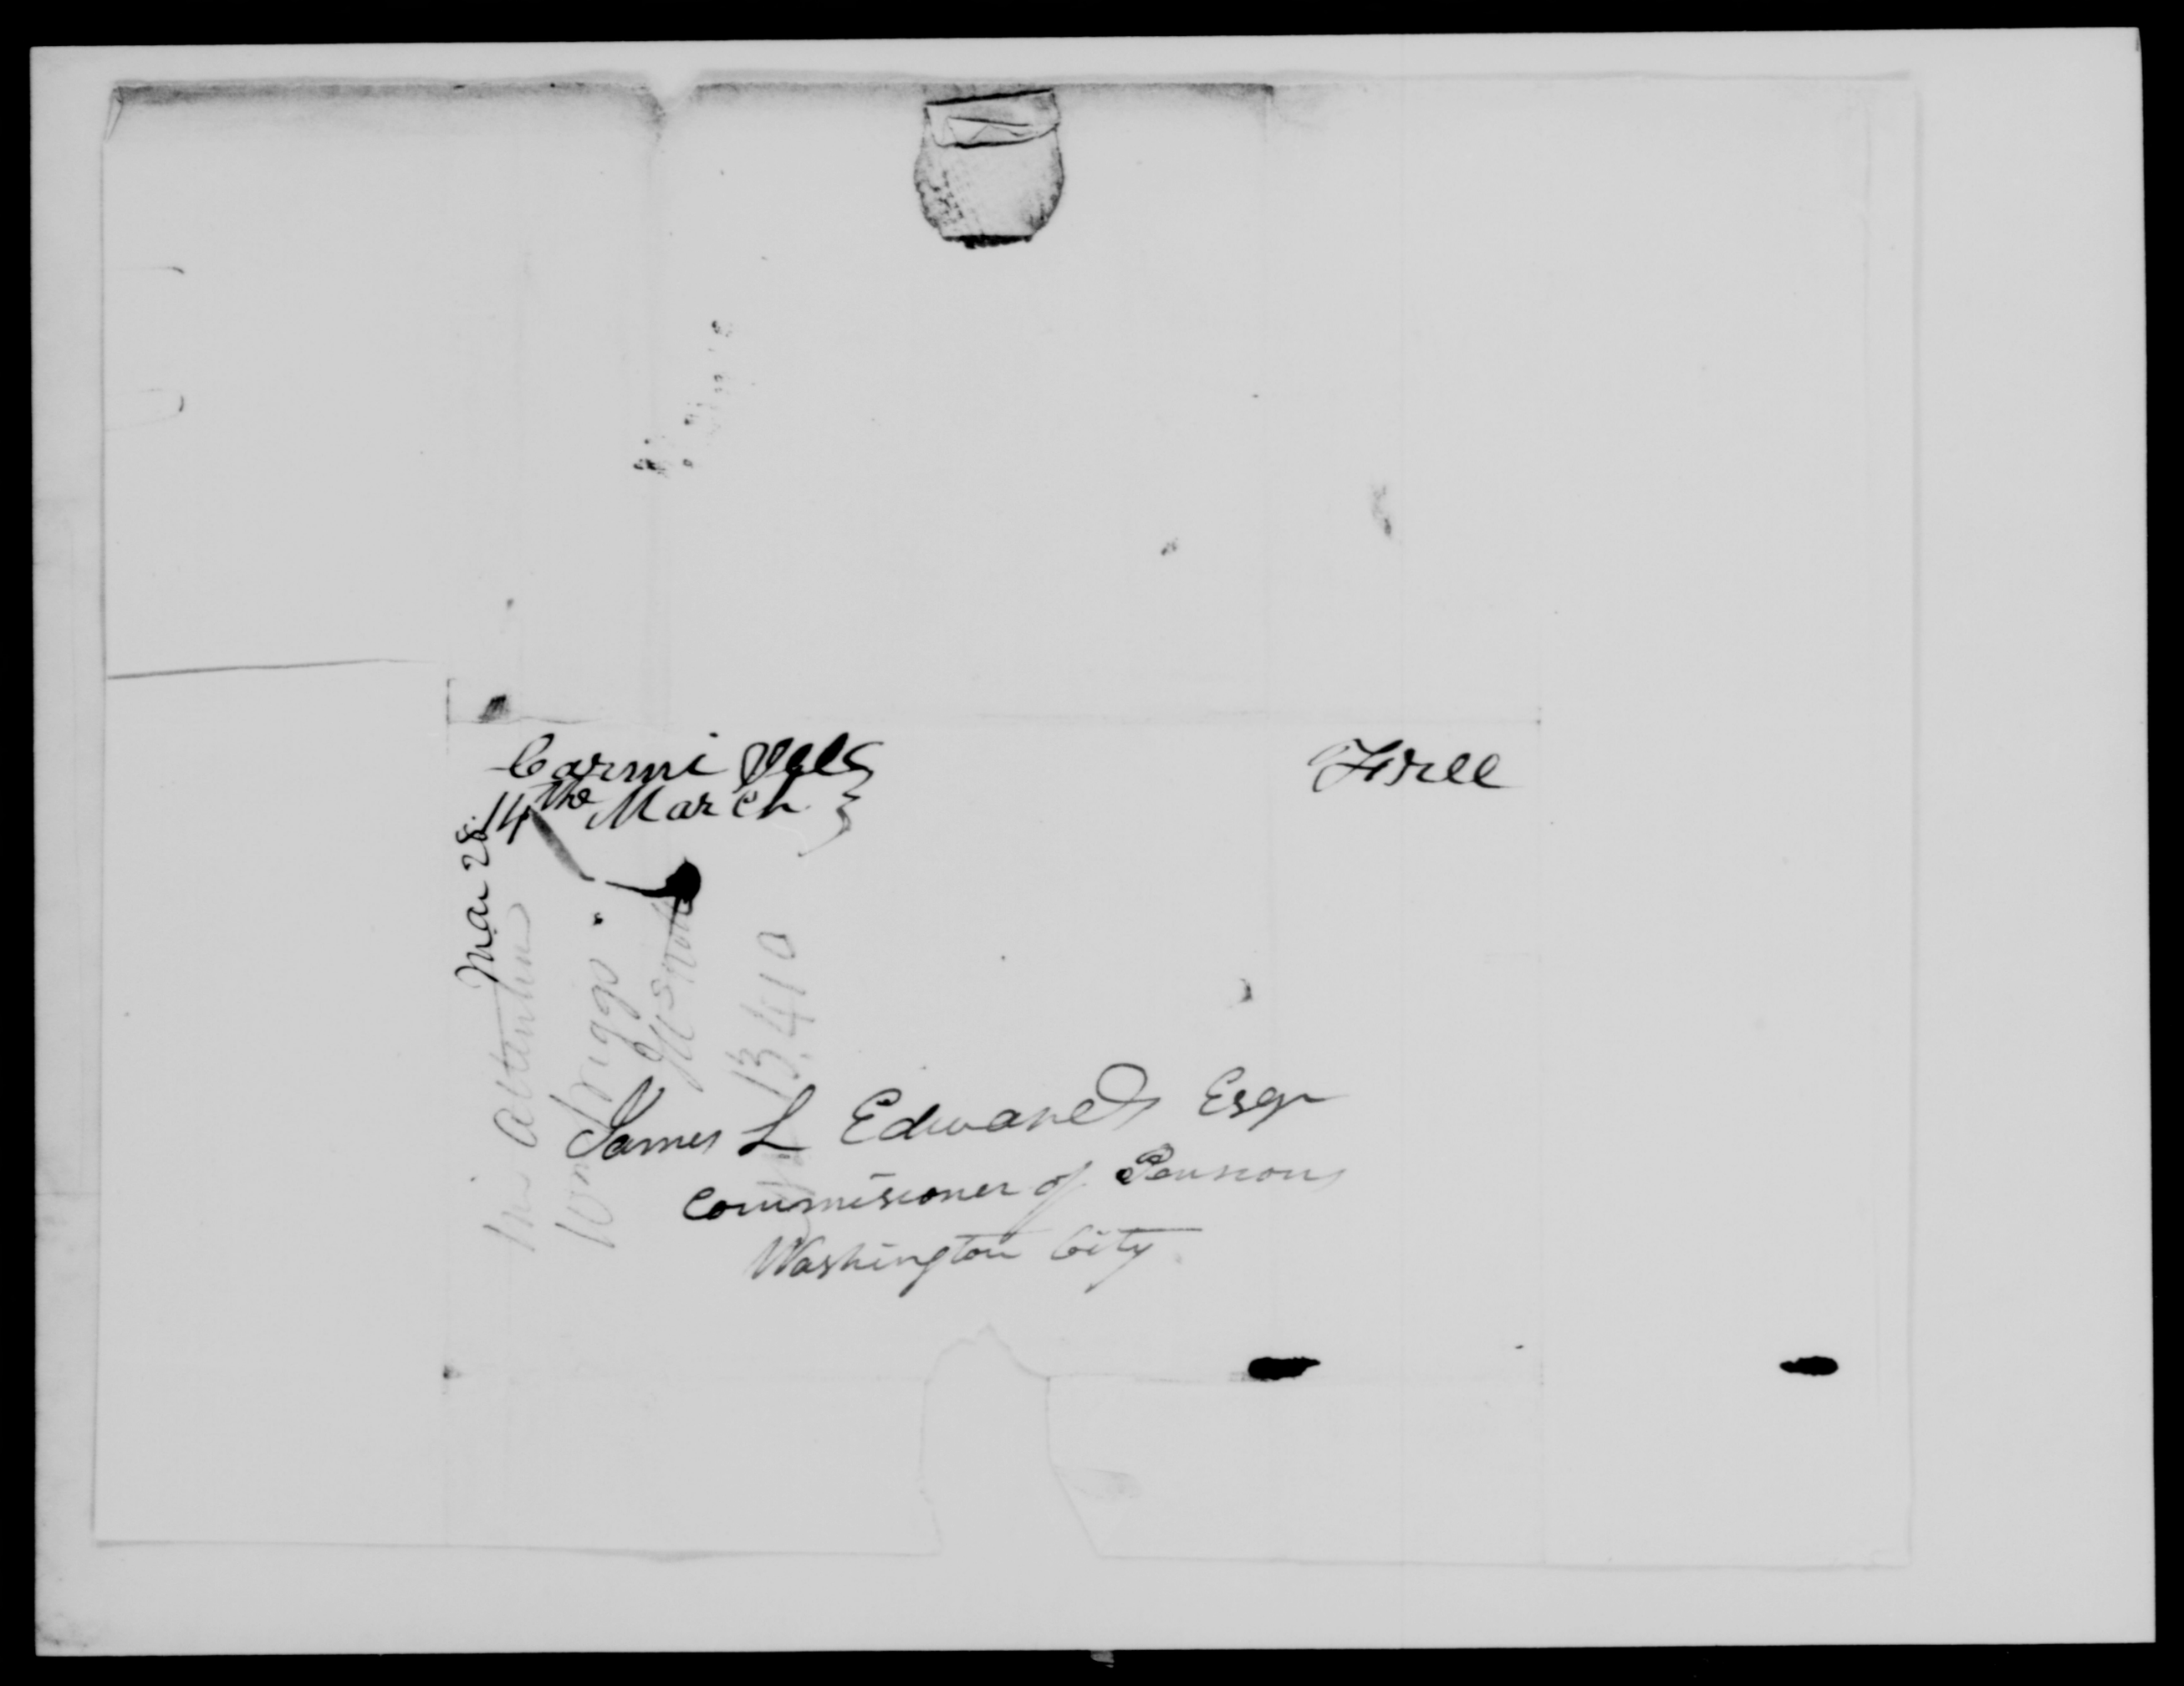Carmi Ill
14th March                      ........Free


James L Edwards, Esq
Commissioner of Pensions
Washington City

[sideways]:

Mar 28
In Attention
Wm Wiggs
Ill's  note
No. 13410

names: James L Edwards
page: 13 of 31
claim: survivor's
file: S. 32608, William Wiggs, N.C.